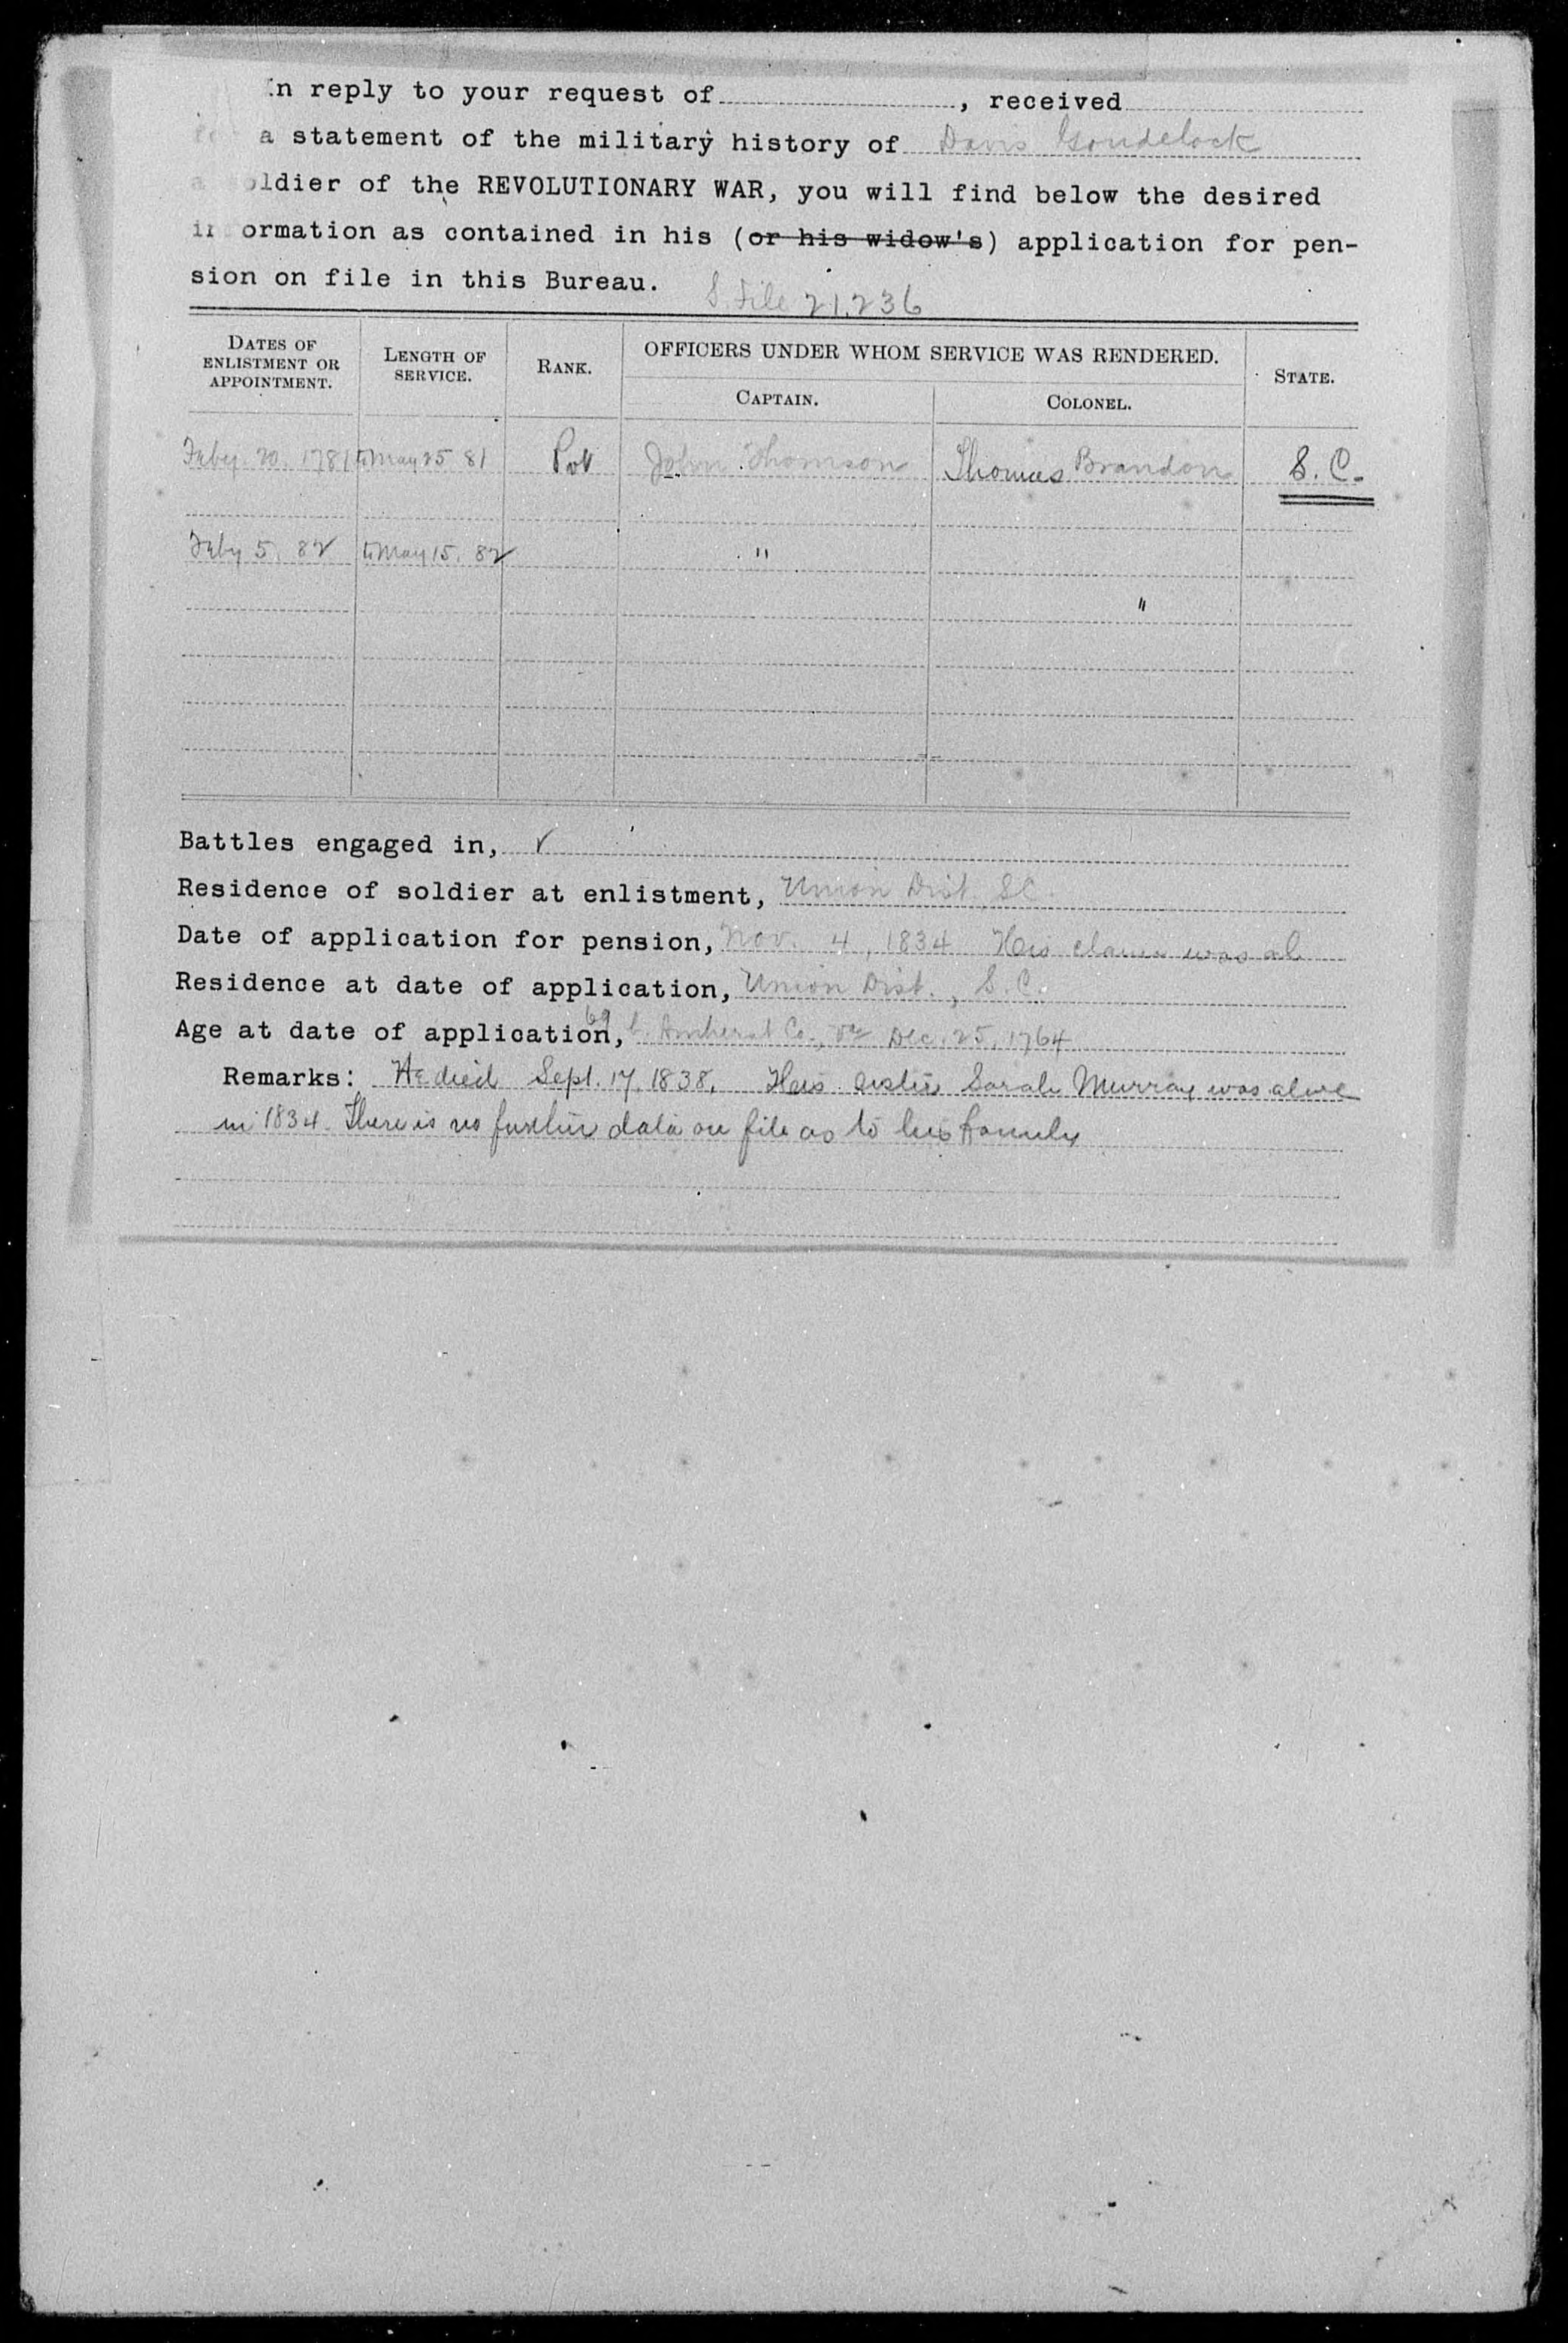in reply to your request of [blank space], received [blank space] for a statement of the military history of Davis Goudelock a soldier of the REVOLUTIONARY WAR, you will find below the desired information as contained in his (or his widow's) [words within the parentheses lined out] application for pension on file in this Bureau.
S. File 21.236
DATES OF ENLISTMENT OR APPOINTMENT.
Feby 20. 1781
 Feby 5. 82
LENGTH OF SERVICE.
to May 25 81
to May 15. 82
RANK.
Pvt
OFFICERS UNDER WHOM SERVICE WAS RENDERED.
CAPTAIN.
John Thomson
"
COLONEL.
Thomas Brandon
"
STATE.
S.C.
Battles engaged in, [check mark]
Residence of soldier at enlistment, Union Dist, SC.
Date of application for pension, Nov. 4, 1834 His claim was al
Residence at date of application, Union Dist. S. C.
Age at date of application, 69 b. Amherst Co. Va Dec. 25, 1764
Remarks: He died Sept. 7. 1838. Heir Sister Sarah Murray was alive in 1834. There is no further data on file as to his family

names: Davis Goudelock, Sarah Murray, Thomas Brandon, John Thomson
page: 8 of 18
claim: survivor's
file: S. 21,236, Davis Goudelock, S.C.